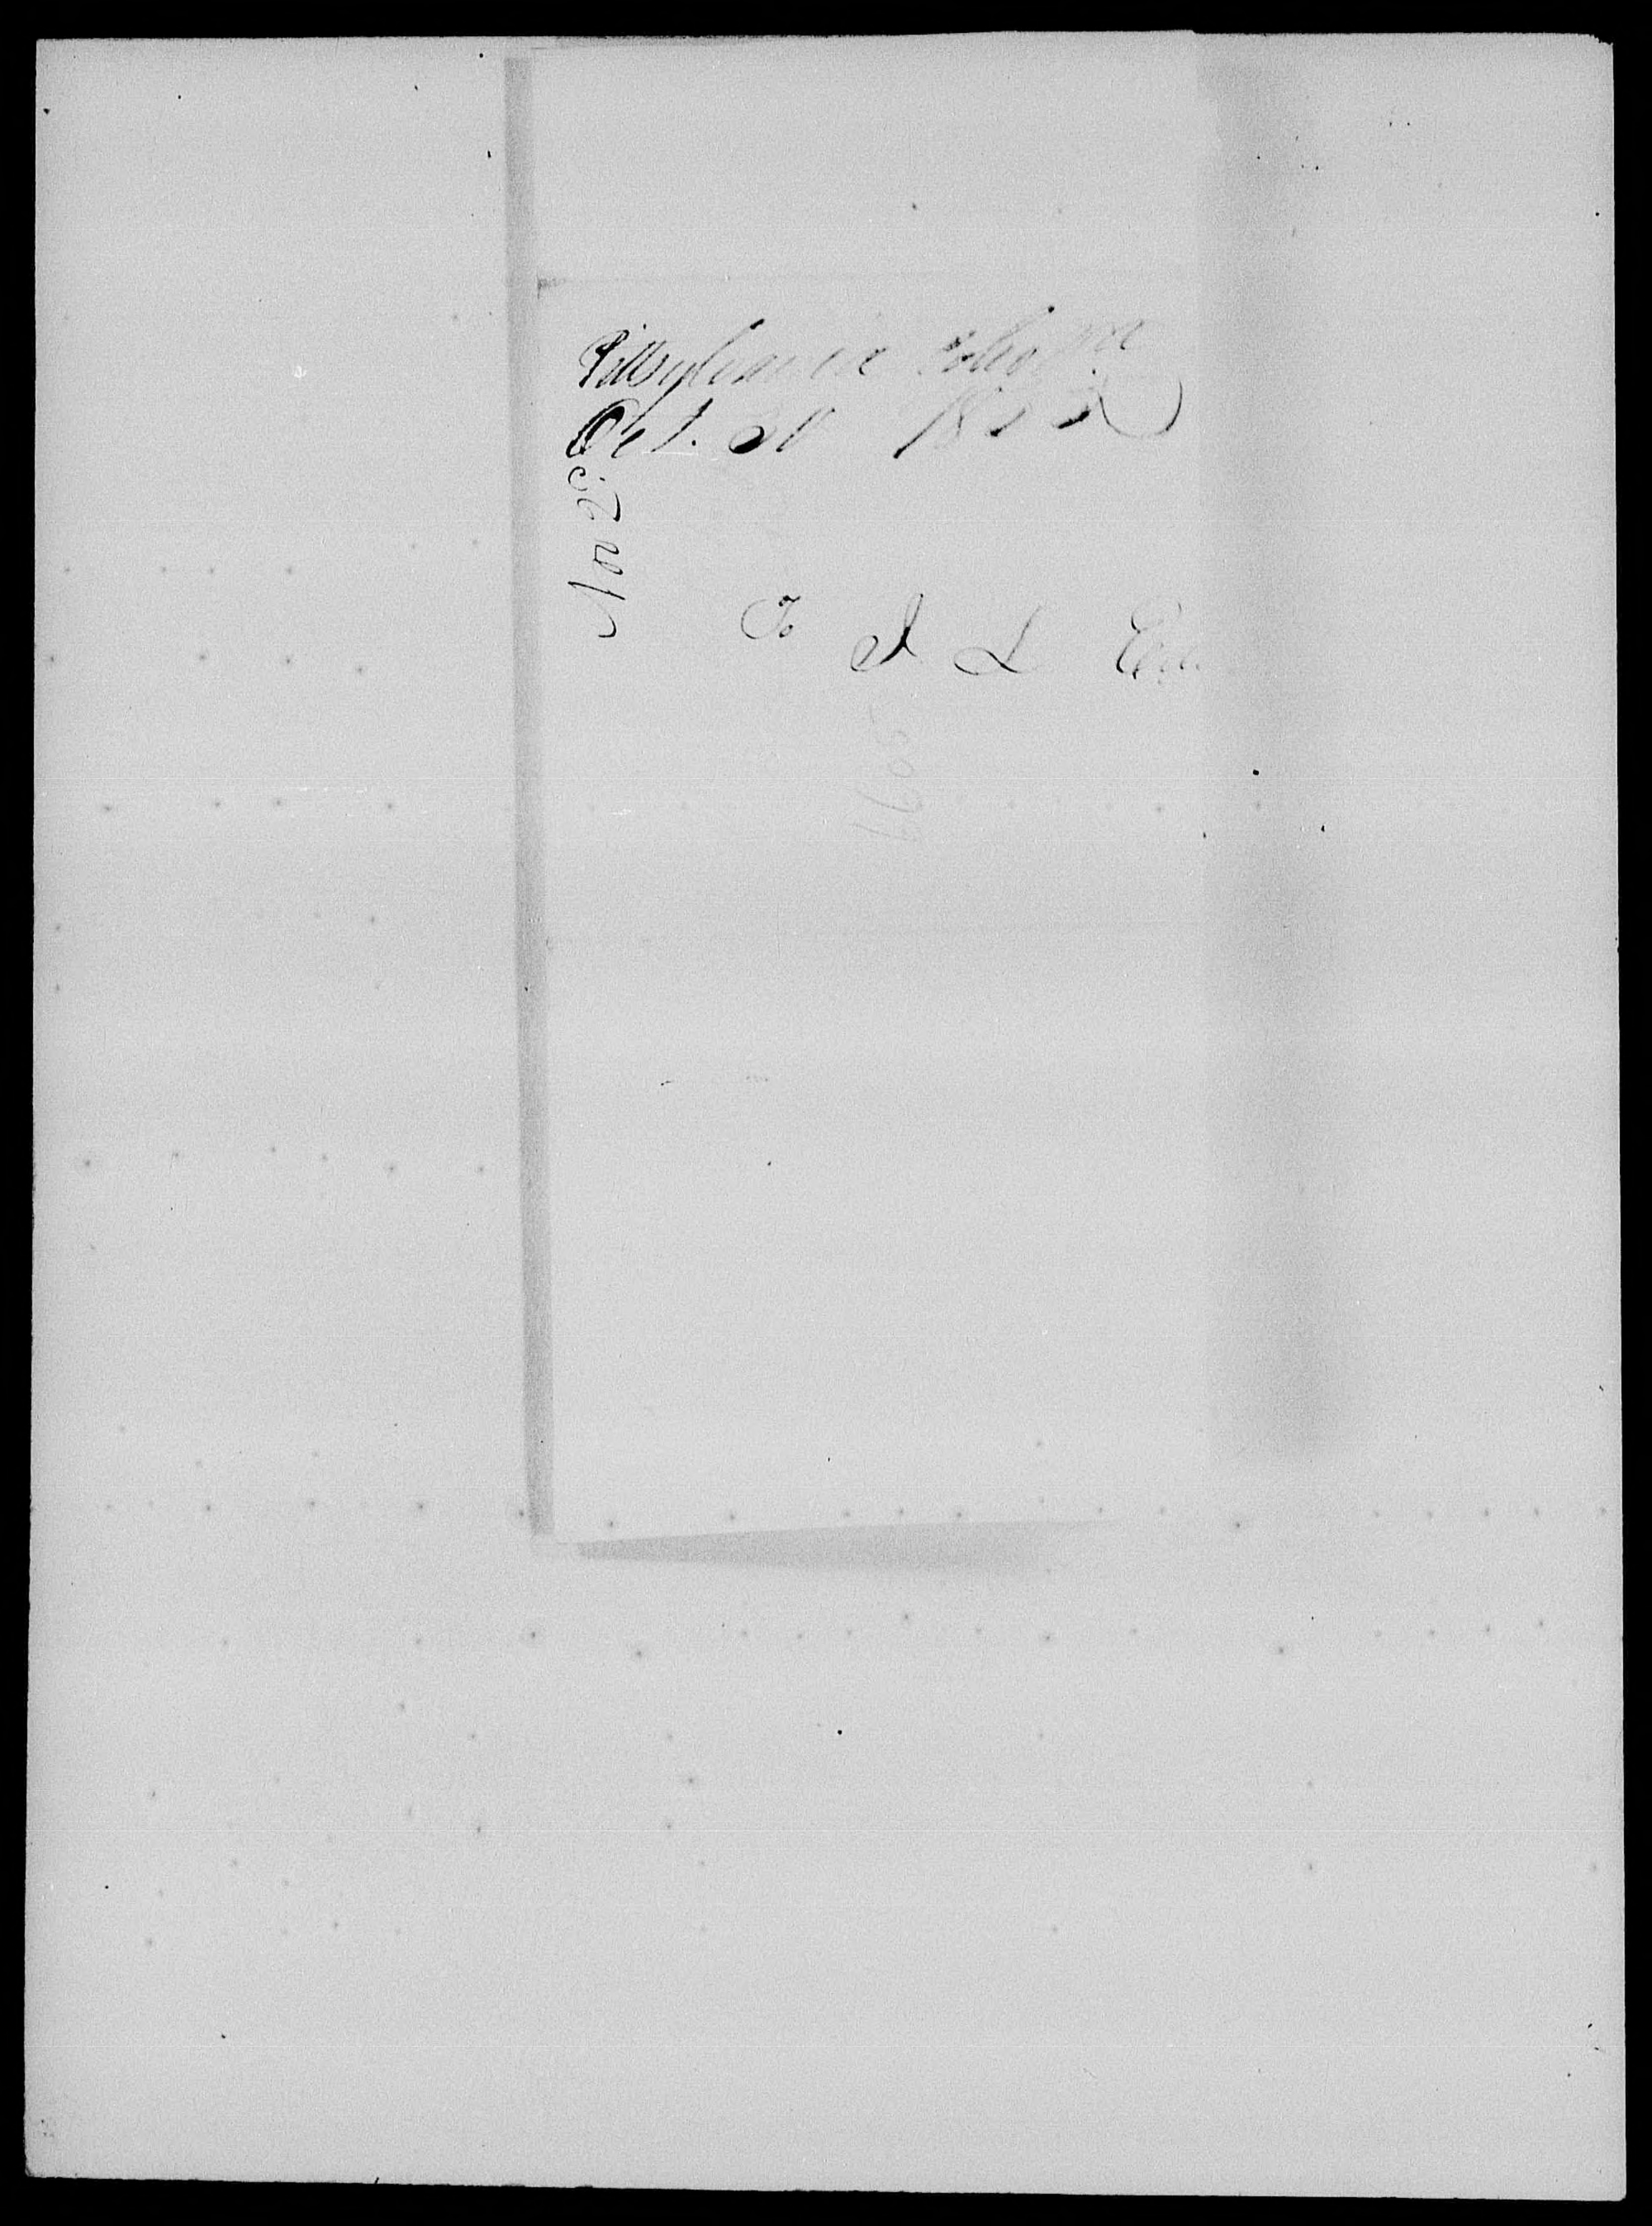Pittsylvania Co. Va.
Oct. 30, 1832

To J. L. Ed[wards]

[written sideways] Nov 2d 6605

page: 9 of 18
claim: survivor's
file: S. 8742, for Moses Hutchings, Virginia